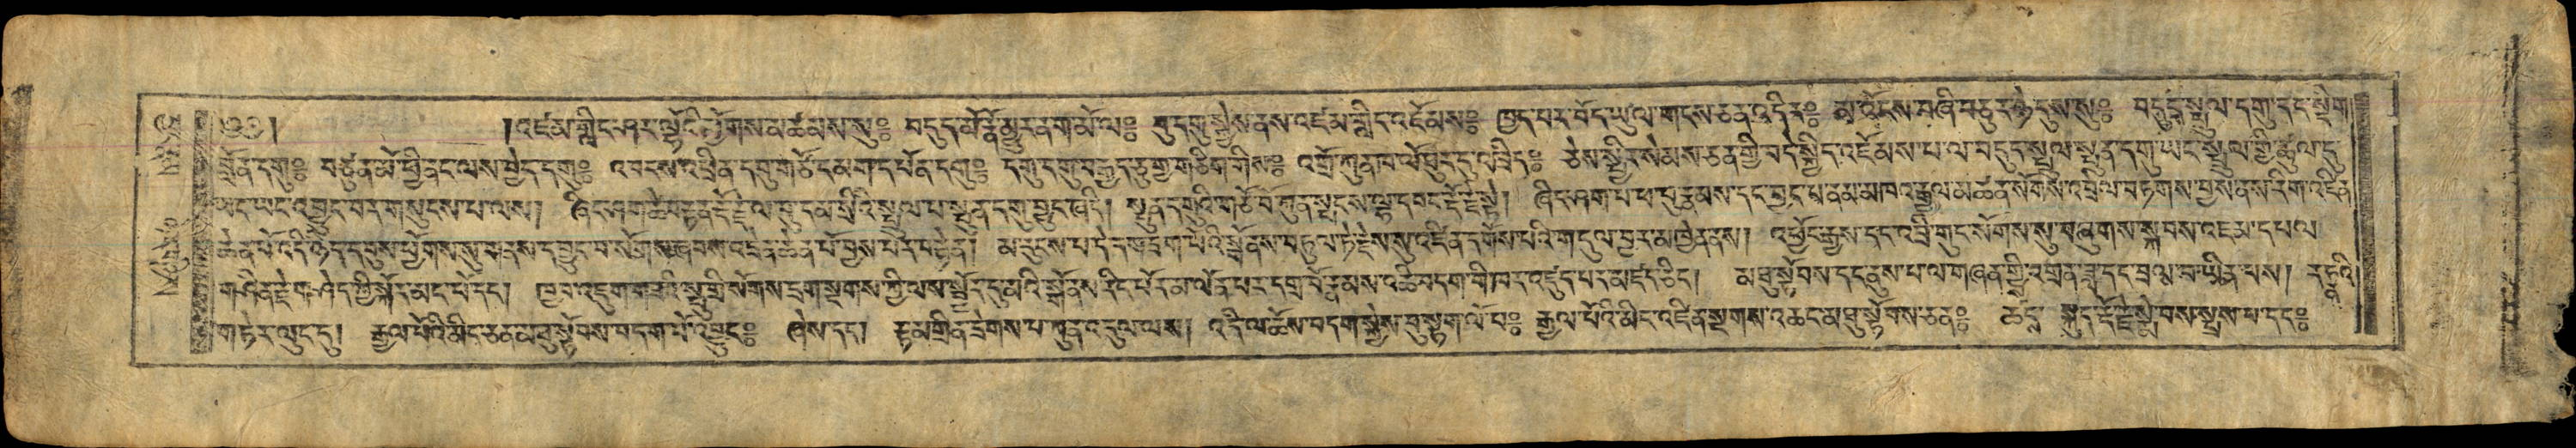༄༅། །འཛམ་གླིང་ཤར་ལྷོའི་ཕྱོགས་མཚམས་སུཿ་བདུད་མོ་རྣོ་མྱུར་ནག་མོ་ལཿ་བུ་དགུ་སྐྱེས་ནས་འཛམ་གླིང་འཇོམསཿ་ཁྱད་པར་བོད་ཡུལ་གངས་ཅན་འདིརཿ་མ་འོངས་བཞི་བཅུར་ཉེ་དུས་སུཿ་བདུད་སྤྲུལ་དགུ་ངང་སྡིག་
བློན་དགུཿ་བཙུན་མོ་ཕྱི་ནང་ལས་བྱེད་དགུཿ་འབངས་འཕྲིན་དབུ་གཙོ་དམག་དཔོན་དགུཿ་དགུ་དགུ་བརྒྱད་ཅུ་གྱ་གཅིག་གིསཿ་འགྲོ་ཀུན་ཁ་ལོ་ཐུར་དུ་འཁྲིདཿ་ཅེས་སྤྱིར་སེམས་ཅན་གྱི་བདེ་སྐྱིད་འཇོམས་པ་ལ་བདུད་སྤྲུལ་སྤུན་དགུ་ཡང་སྤྲུལ་གྱི་ཚུལ་དུ་
ཡང་ཡང་འབྱུང་བར་གསུངས་པ་ལས། ཞིང་ཤག་ཚེ་བརྟན་རྡོ་རྗེ་ལ་བུ་དམ་སྲིའི་སྤྲུལ་པ་སྦུན་དགུ་བྱུང་ཞིང་། སྤུན་དགུའི་གཙོ་བོ་ཀུན་སྤངས་ལྷ་དབང་རྡོ་རྗེ་སྟེ། ཞིང་ཤག་པ་ཕ་བུ་རྣམས་དང་བྱང་པ་ནམ་མཁའ་རྒྱལ་མཆན་སོགས་འབྲེལ་བཏགས་བྱས་ནས་རིག་འཛིན་
ཆེན་བོ་འདི་ཉིད་དབུས་ཕྱོགས་སུ་གནས་དབྱུང་བ་སོགས་ཞབས་འདྲེན་ཆེན་པོ་བྱས་པར་བརྟེན། མ་རུངས་པ་དེ་དག་དྲག་པོའི་སྒོ་ནས་བཏུལ་ཏེ་རྗེས་སུ་འཛིན་དགོས་པའི་གདུལ་བྱར་མཁྱེན་ནས། འཕྱོང་རྒྱས་དང་འབྲི་གུང་སོགས་སུ་བཞུགས་སྐབས་འཇམ་དཔལ་
གཤིན་རྗེ་གཤེད་ཀྱི་སྐོར་མང་པོ་དང་། ཁྱབ་འཇུག་གཟའི་སྤུ་གྲི་སོགས་དྲག་སྔགས་ཀྱི་ལས་སྦྱོར་དུ་མའི་སྒོ་ནས་རིང་པོར་མ་ལོན་པར་དགྲ་བོ་རྣམས་འཆི་བདག་གི་ཁར་འཛུད་པར་མཛད་ཅིང་། མཐུ་སྟོབས་དང་ནུས་པ་ལ་གཞན་གྱིས་འགྲན་ཟླ་དང་བྲལ་བ་ཡིན་པས། རཏྣའི་
གཏེར་ལུང་དུ། རྒྱལ་པོའི་མིང་ཅན་མཐུ་སྟོབས་བདག་པོ་འབྱུངཿ་ཞེས་དང་། རྟ་མགྲིན་དྲེགས་པ་ཀུན་འདུལ་ལས། འདི་ལ་ཆོས་བདག་སྐྱེས་བུ་སྟག་ལོ་པཿ་རྒྱལ་པོའི་མིང་འཛིན་སྔགས་འཆང་མཐུ་སྟོབས་ཅནཿ་ཚངས་ང་རྡོ་རྗེ་སྨེ་བས་སྤྲས་པ་དངཿ